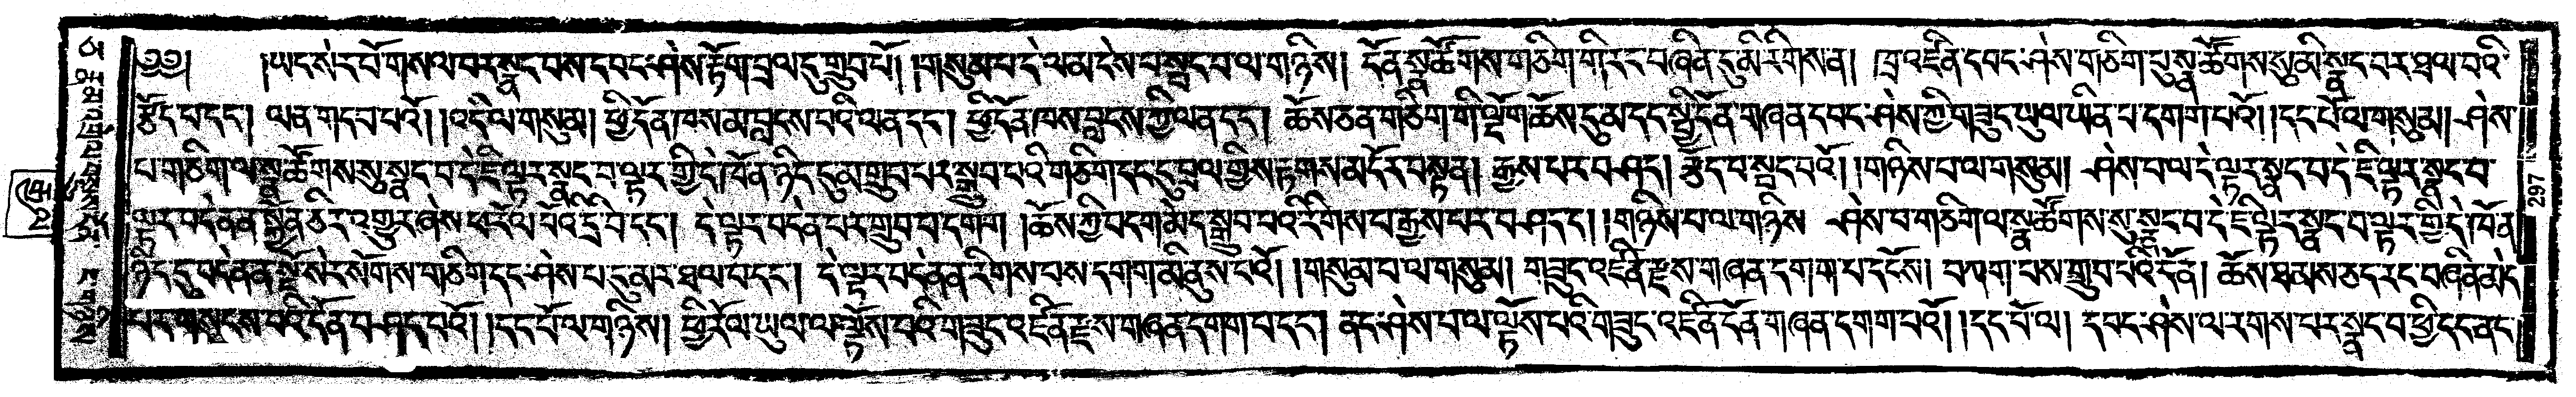༄༅། །ཡང་སེར་པོ་གསལ་བར་སྣང་བས་དབང་ཤེས་རྟོག་བྲལ་དུ་གྲུབ་པོ། །གསུམ་པ་དེ་ལ་མ་ངེས་པ་སྤང་བ་ལ་གཉིས། དོན་སྣ་ཚོགས་གཅིག་གི་རང་བཞིན་དུ་མི་རིགས་ན། ཁྲ་འཛིན་དབང་ཤེས་གཅིག་པུ་སྣ་ཚོགས་སུ་མི་སྣང་བར་ཐལ་བའི་
རྩོད་པ་དང་། ལན་གདབ་པའོ། །འདི་ལ་གསུམ། ཕྱི་དོན་ཁས་མ་བླངས་པའི་ལན་དང་། ཕྱི་དོན་ཁས་བླངས་ཀྱི་ལན་དང་། ཆོས་ཅན་གཅིག་གི་ལྡོག་ཆོས་དུ་མ་དང་སྤྱི་དོན་གཞན་དབང་ཤེས་ཀྱི་གཟུང་ཡུལ་ཡིན་པ་དགག་པའོ། །དང་པོ་ལ་གསུམ། ཤེས་
པ་གཅིག་ལ་སྣ་ཚོགས་སུ་སྣང་བ་དེ་ཇི་ལྟར་སྣང་བ་ལྟར་གྱི་དེ་ཁོ་ན་ཉིད་དུ་མ་གྲུབ་པར་སྒྲུབ་པའི་གཅིག་དང་དུ་བྲལ་གྱིས་རྟགས་མདོར་བསྟན། རྒྱས་པར་བཤད། རྩོད་པ་སྤང་བའོ། །གཉིས་པ་ལ་གསུམ། ཤེས་པ་ལ་དེ་ལྟར་སྣང་བ་དེ་ཇི་ལྟར་སྣང་བ་
ལྟར་བདེན་ན་སྐྱོན་ཅིར་འགྱུར་ཞེས་ཕ་རོལ་པོའི་དྲི་བ་དང་། དེ་ལྟར་བདེན་པར་གྲུབ་པ་དགག །ཆོས་ཀྱི་བདག་མེད་སྒྲུབ་པའི་རིགས་པ་རྒྱས་པར་བཤད་ད། །གཉིས་པ་ལ་གཉིས། ཤེས་པ་གཅིག་ལ་སྣ་ཚོགས་སུ་སྣང་བ་དེ་ཇི་ལྟར་སྣང་བ་ལྟར་གྱི་དེ་ཁོ་ན་
ཉིད་དུ་བདེན་ན་སྔོ་སེར་སོགས་གཅིག་དང་ཤེས་པ་དུ་མར་ཐལ་བ་དང་། དེ་ལྟར་བདེན་ན་རིགས་པས་དགག་མི་ནུས་པའོ། །གསུམ་པ་ལ་གསུམ། གཟུང་འཛིན་རྫས་གཞན་དགག་པ་དངོས། བཀག་པས་གྲུབ་པའི་དོན། ཆོས་ཐམས་ཅད་རང་བཞིན་མེད་
པར་གསུངས་པའི་དོན་བཤད་པའོ། །དང་པོ་ལ་གཉིས། ཕྱི་རོལ་ཡུལ་ལ་ལྟོས་པའི་གཟུང་འཛིན་རྫས་གཞན་དགག་པ་དང་། ནང་ཤེས་པ་ལ་ལྟོས་པའི་གཟུང་འཛིན་དོན་གཞན་དགག་པའོ། །དང་པོ་ལ། དབང་ཤེས་ལ་རགས་པར་སྣང་བ་ཕྱི་དང་ནང་